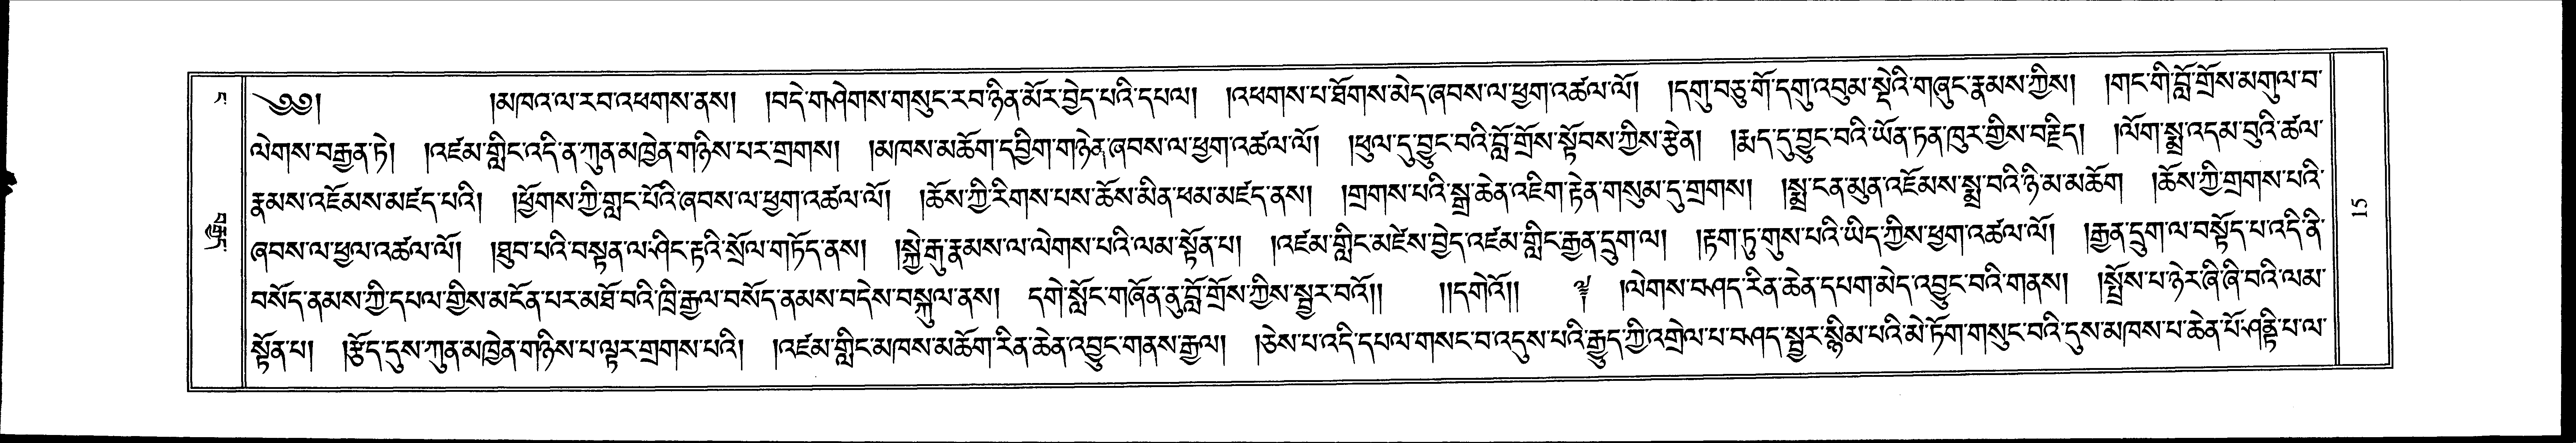༄༅། །མཁའ་ལ་རབ་འཕགས་ནས། །བདེ་གཤེགས་གསུང་རབ་ཉིན་མོར་བྱེད་པའི་དཔལ། །འཕགས་པ་ཐོགས་མེད་ཞབས་ལ་ཕྱག་འཚལ་ལོ། །དགུ་བཅུ་གོ་དགུ་འབུམ་སྡེའི་གཞུང་རྣམས་ཀྱིས། །གང་གི་བློ་གྲོས་མགུལ་བ་
ལེགས་བརྒྱན་ཏེ། །འཛམ་གླིང་འདི་ན་ཀུན་མཁྱེན་གཉིས་པར་གྲགས། །མཁས་མཆོག་དབྱིག་གཉེན་ཞབས་ལ་ཕྱག་འཚལ་ལོ། །ཕུལ་དུ་བྱུང་བའི་བློ་གྲོས་སྟོབས་ཀྱིས་རྩེན། །རྨད་དུ་བྱུང་བའི་ཡོན་ཏན་ཁུར་གྱིས་བརྗིད། །ལོག་སྨྲ་འདམ་བུའི་ཚལ་
རྣམས་འཇོམས་མཛད་པའི། །ཕྱོགས་ཀྱི་གླང་པོའི་ཞབས་ལ་ཕྱག་འཚལ་ལོ། །ཆོས་ཀྱི་རིགས་པས་ཆོས་མིན་ཕམ་མཛད་ནས། །གྲགས་པའི་སྒྲ་ཆེན་འཇིག་རྟེན་གསུམ་དུ་གྲགས། །སྨྲ་ངན་མུན་འཇོམས་སྨྲ་བའི་ཉི་མ་མཆོག །ཆོས་ཀྱི་གྲགས་པའི་
ཞབས་ལ་ཕྱག་འཚལ་ལོ། །ཐུབ་པའི་བསྟན་ལ་ཤིང་རྟའི་སྲོལ་གཏོད་ནས། །སྐྱེ་རྒུ་རྣམས་ལ་ལེགས་པའི་ལམ་སྟོན་པ། །འཛམ་གླིང་མཛེས་བྱེད་འཛམ་གླིང་རྒྱན་དྲུག་ལ། །རྟག་ཏུ་གུས་པའི་ཡིད་ཀྱིས་ཕྱག་འཚལ་ལོ། །རྒྱན་དྲུག་ལ་བསྟོད་པ་འདི་ནི་
བསོད་ནམས་ཀྱི་དཔལ་གྱིས་མངོན་པར་མཐོ་བའི་ཁྲི་རྒྱལ་བསོད་ནམས་བདེས་བསྐུལ་ནས། དགེ་སློང་གཞོན་ནུ་བློ་གྲོས་ཀྱིས་སྦྱར་བའོ།། །།དགེའོ།། ༈ །ལེགས་བཤད་རིན་ཆེན་དཔག་མེད་འབྱུང་བའི་གནས། །སྤྲོས་པ་ཉེར་ཞི་ཞི་བའི་ལམ་
སྟོན་པ། །རྩོད་དུས་ཀུན་མཁྱེན་གཉིས་པ་ལྟར་གྲགས་པའི། །འཛམ་གླིང་མཁས་མཆོག་རིན་ཆེན་འབྱུང་གནས་རྒྱལ། །ཅེས་པ་འདི་དཔལ་གསང་བ་འདུས་པའི་རྒྱུད་ཀྱི་འགྲེལ་པ་བཤད་སྦྱར་སྙིམ་པའི་མེ་ཏོག་གསུང་བའི་དུས་མཁས་པ་ཆེན་པོ་ཤནྟི་པ་ལ་